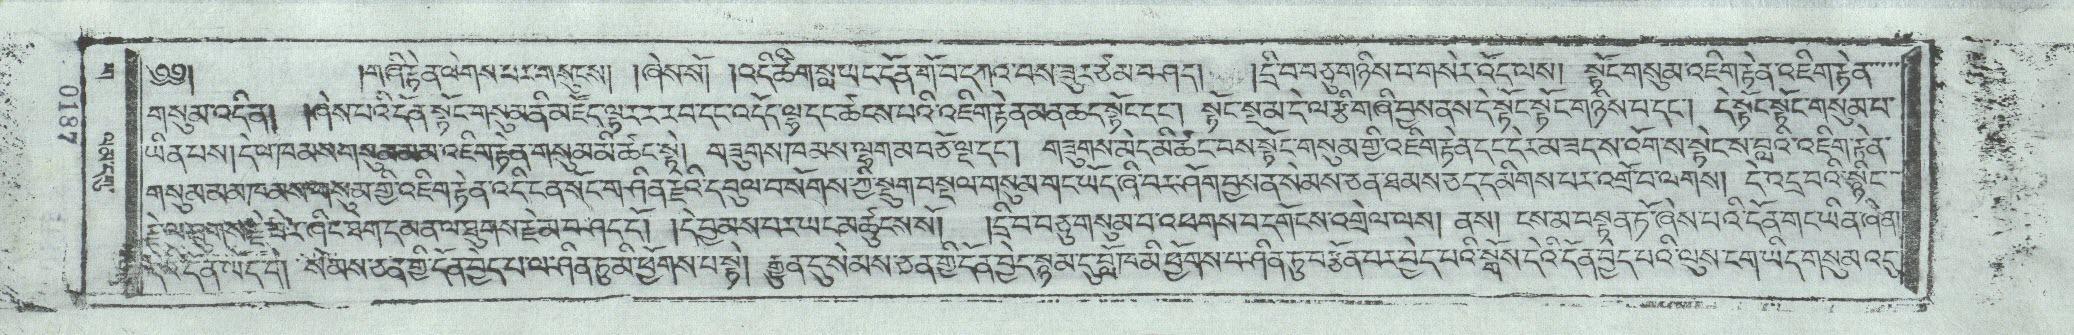༄༅། །གཞི་རྟེན་ལེགས་པར་གསུངས། །ཞེས་སོ། །འདི་ཚིག་སླ་ཡང་དོན་གོ་བ་དཀའ་བས་ཟུར་ཙམ་བཤད། །དྲི་བ་བཅུ་གཉིས་པ་གསེར་འོད་ལས། སྟོང་གསུམ་འཇིག་རྟེན་འཇིག་རྟེན་
གསུམ་འདི་ན། །ཞེས་པའི་དོན་སྟོང་གསུམ་ནི་མཛོད་ལྟར་ར་རབ་དང་འདོད་ལྷ་དང་ཚངས་པའི་འཇིག་རྟེན་མན་ཆད་སྟོང་དང་། སྟོང་སྔ་མ་དེ་ལ་རྩི་གཞི་བྱས་ནས་དེ་སྟོང་སྟོང་གཉིས་པ་དང་། དེ་སྟོང་སྟོང་གསུམ་པ་
ཡིན་པས། དེ་ལ་ཁམས་གསུམ་མམ་འཇིག་རྟེན་གསུམ་མི་ཚང་སྟེ། གཟུགས་ཁམས་ལྷག་མ་བཅོ་ལྔ་དང་། གཟུགས་མེད་མི་ཚང་བས་སྟོང་གསུམ་གྱི་འཇིག་རྟེན་དང་དེར་མ་ཟད་ས་འོག་ས་སྟེང་ས་བླའི་འཇིག་རྟེན་
གསུམ་མམ་ཁམས་གསུམ་གྱི་འཇིག་རྟེན་འདི་ངན་སོང་གཤིན་རྗེའི་དབུལ་བ་སོགས་ཀྱི་སྡུག་བསྔལ་གསུམ་གང་ཡོད་ཞི་བར་ཤོག་བྱས་ན་སེམས་ཅན་ཐམས་ཅད་དམིགས་པར་འགྲོ་བ་ལགས། དེ་འདྲ་བའི་སྙིང་
རྗེ་ལ་ཐུགས་རྗེ་ཟེར་ཞིང་ཐེག་དམན་ལ་ཐུགས་རྗེ་མ་བཤད་དོ། །དེ་བྱམས་པར་ཡང་མཚུངས་སོ། །དྲི་བ་བཅུ་གསུམ་པ་འཕགས་པ་དགོངས་འགྲེལ་ལས། ནས། ངས་མ་བསྟན་ཏོ་ཞེས་པའི་དོན་གང་ཡིན་ཞེ་ན།
དེའི་དོན་ཡོད་དེ། སེམས་ཅན་གྱི་དོན་བྱེད་པ་ལ་ཤིན་ཏུ་མི་ཕྱོགས་པ་སྟེ། རྒྱུན་དུ་སེམས་ཅན་གྱི་དོན་བྱེད་སྙམ་དུ་བློ་ཁ་མི་ཕྱོགས་པ་ཤིན་ཏུ་བརྩོན་པར་བྱེད་པའི་སྒོས་དེའི་དོན་བྱེད་པའི་ལུས་ངག་ཡིད་གསུམ་འདུ་